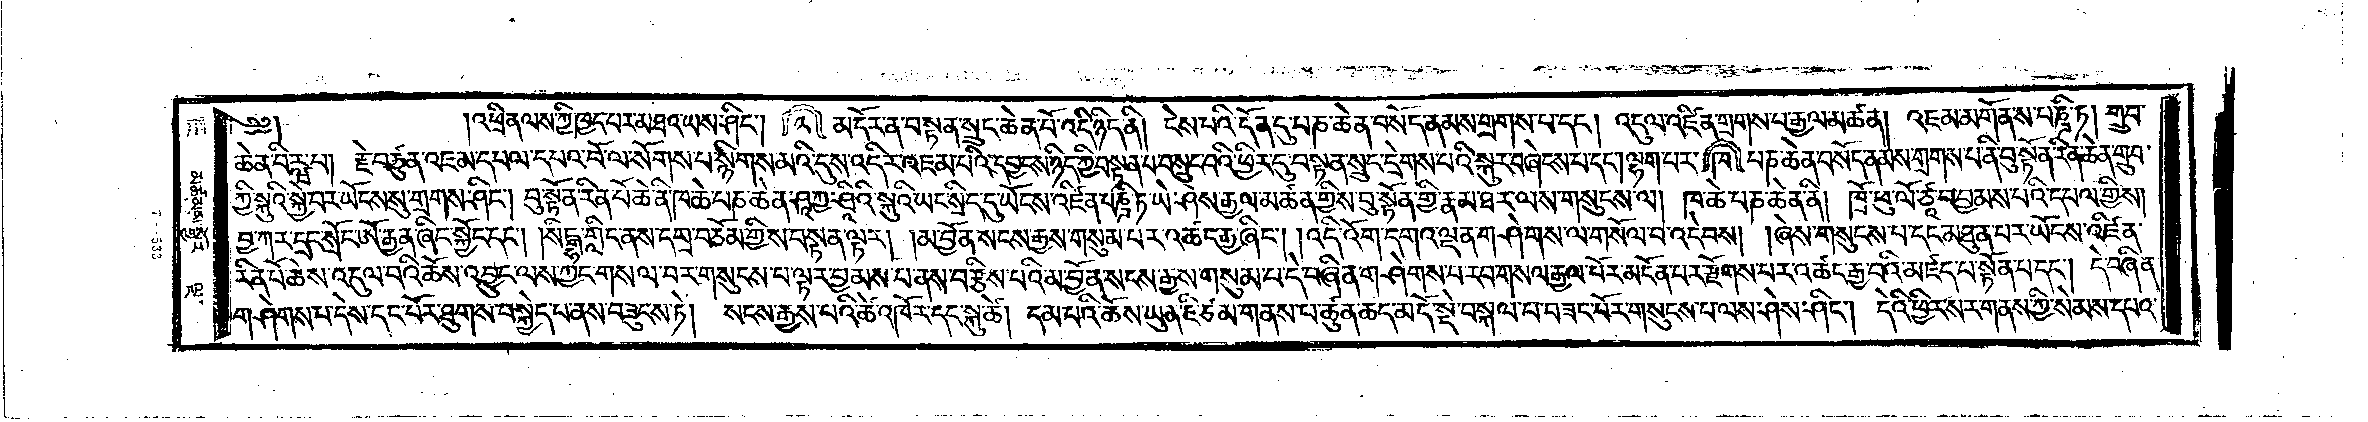༄༅། །འཕྲིན་ལས་གྱི་ཁྱད་པར་མཐའ་ཡས་ཤིང་། ༼༽༢༼༽ མདོར་ན་བསྟན་སྲུང་ཆེན་པོ་འདི་ཉིད་ནི། ངེས་པའི་དོན་དུ་པཎ་ཆེན་བསོད་ནམས་གྲགས་པ་དང་། འདུལ་འཛིན་གྲགས་པ་རྒྱལ་མཚན། འཇམ་མགོན་ས་པཎྜི་ཏ། གྲུབ་
ཆེན་བིརྭ་པ། རྗེ་བཙུན་འཇམ་དཔལ་དཔའ་བོ་ལ་སོགས་པ་སྙིགས་མའི་དུས་འདིར་འཇམ་པའི་དབྱངས་ཉིད་ཀྱི་བསྟན་པ་བསྲུང་བའི་ཕྱིར་དུ་བསྟན་སྲུང་དྲེགས་པའི་སྐུར་བཞེངས་པ་དང་། ལྷག་པར ༼༽ཁ༼༽ པཎ་ཆེན་བསོད་ནམས་གྲགས་པ་ནི་བུ་སྟོན་རིན་ཆེན་གྲུབ་
ཀྱི་སྐུའི་སྐྱེ་བར་ཡོངས་སུ་གྲགས་ཤིང་། བུ་སྟོན་རིན་པོ་ཆེ་ནི་ཁ་ཆེ་པཎ་ཆེན་ཤཱཀྱ་ཤྲཱིའི་སྐུའི་ཡང་སྲིད་དུ་ཡོངས་འཛིན་པཎྜི་ཏ་ཡེ་ཤེས་རྒྱལ་མཚན་གྱིས་བུ་སྟོན་གྱི་རྣམ་ཐར་ལས་གསུངས་ལ། ཁ་ཆེ་པཎ་ཆེན་ནི། ཁྲོ་ཕུ་ལོ་ཙཱ་བ་བྱམས་པའི་དཔལ་གྱིས།
བྱ་ཀར་དྲང་སྲོང་ཨོ་རྒྱན་ཞིང་སྐྱོང་དང་། །སིངྒྷ་གླིང་ནས་དགྲ་བཅོམ་གྱིས་བསྟན་ལྟར། །མ་བྱོན་སངས་རྒྱས་གསུམ་པར་འཚང་རྒྱ་ཞིང་། །འདི་འོག་དགའ་ལྡན་གཤེགས་ལ་གསོལ་བ་འདེབས། །ཞེས་གསུངས་པ་དང་མཐུན་པར་ཡོངས་འཛིན་
རིན་པོ་ཆེས་འདུལ་བའི་ཆོས་འབྱུང་ལས་ཀྱང་གསལ་བར་གསུངས་བ་ལྟར་བྱམས་པ་ནས་བརྩིས་པའི་མ་བྱོན་སངས་རྒྱས་གསུམ་པ་དེ་བཞིན་གཤེགས་པ་རབ་གསལ་རྒྱལ་པོར་མངོན་པར་རྫོགས་པར་འཚང་རྒྱ་བའི་མཛད་པ་སྟོན་པ་དང་། དེ་བཞིན་
གཤེགས་པ་དེས་དང་པོར་ཐུགས་བསྐྱེད་པ་ནས་བཟུངས་ཏེ། སངས་རྒྱས་པའི་ཚེ་འཁོར་དང་སྐུ་ཚེ། དམ་པའི་ཆོས་ཡུན་ཇི་ཙམ་གནས་པ་ཚུན་ཆད་མདོ་སྡེ་བསྐལ་བ་བཟང་པོར་གསུངས་པ་ལས་ཤེས་ཤིང་། དེའི་ཕྱིར་སར་གནས་ཀྱི་སེམས་དཔའ་